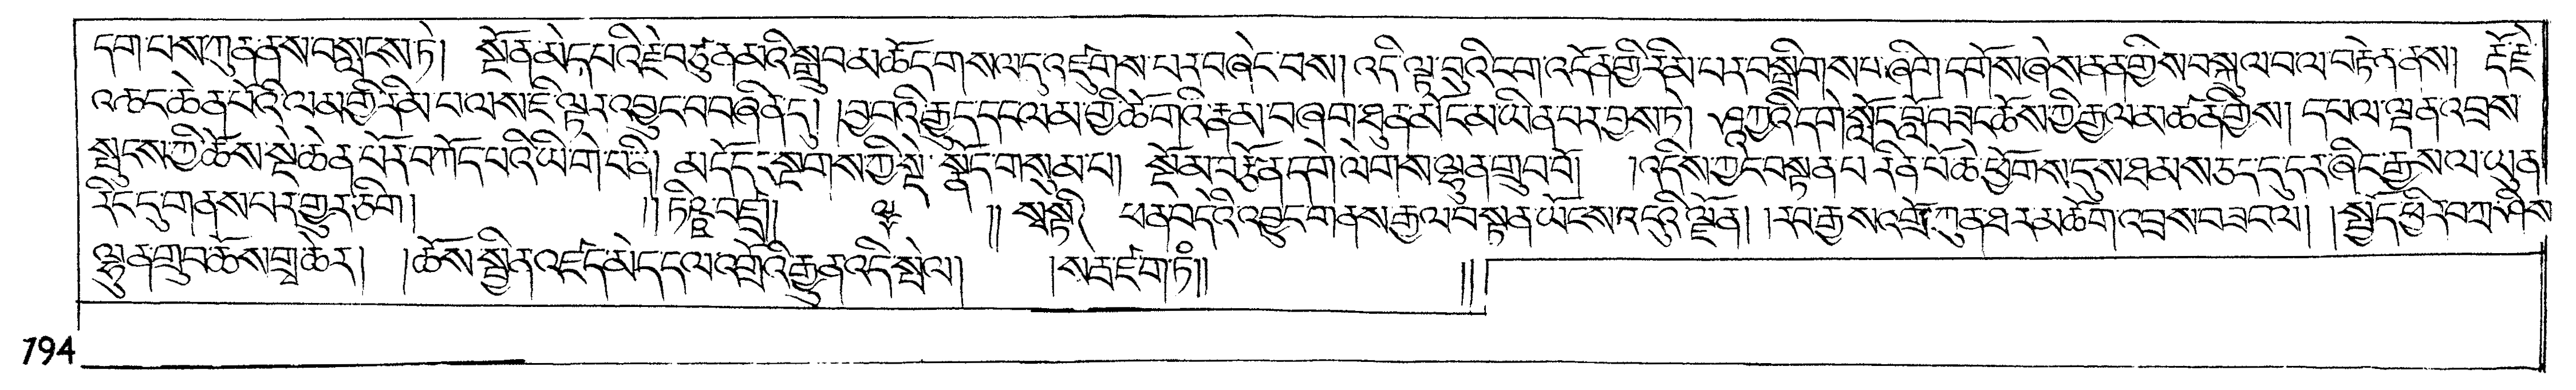དག་པས་ཀུན་ནས་བསླངས་ཏེ། སྔོན་མེད་པའི་རྗེ་བཙུན་མའི་སྒྲུབ་མཆོད་གསལ་དུ་འཛུགས་པར་བཞེང་བས། འདི་ལྟ་བུའི་ངག་འདོན་གྱི་རིམ་པར་བསྒྲིགས་པ་ཞིག་དགོས་ཞེས་ནན་གྱིས་བསྐུལ་བ་ལ་བརྟེན་ནས། རྡོ་རྗེ་
འཆང་ཆེན་པོའི་ལམ་གྱི་རིམ་པ་ལས་ཇི་ལྟར་འབྱུང་བ་བཞིན་དུ། །བྱ་བའི་རྒྱུད་དང་ལམ་གྱི་ཆོ་གའི་རྣམ་བཞག་ཐུན་མོང་མ་ཡིན་པར་བྱས་ཏེ། ཤཱཀྱའི་དགེ་སློང་བློ་བཟང་ཆོས་ཀྱི་རྒྱལ་མཚན་གྱིས། དཔལ་ལྡན་འབྲས་
སྤུངས་ཀྱི་ཆོས་སྡེ་ཆེན་པོར་བཀོད་པའི་ཡི་གེ་པ་ནི། མདོ་དང་སྔགས་ཀྱི་སྡེ་སྣོད་གསུམ་པ། སྡོམ་བརྩོན་དགེ་ལེགས་ལྷུན་གྲུབ་བོ། །འདིས་ཀྱང་བསྟན་པ་རིན་པོ་ཆེ་ཕྱོགས་དུས་ཐམས་ཅད་དུ་དར་ཞིང་རྒྱས་ལ་ཡུན་
རིང་དུ་གནས་པར་གྱུར་ཅིག ། །།ཏིཥཊཿཨ་བཛྲ།། ༈ །།སྭསྟི༑ ཕན་བདེའི་འབྱུང་གནས་རྒྱལ་བསྟན་ཡོངས་འདུའི་ལྗོན། །རབ་རྒྱས་འགྲོ་ཀུན་ཐར་མཆོག་འབྲས་བཟང་ལ། །སྤྱོད་ཕྱིར་བཀྲ་ཤིས་
ལྷུན་གྲུབ་ཆོས་གྲྭ་ཆེར། །ཆོས་སྦྱིན་འཛད་མེད་དལ་འགྲོའི་རྒྱུན་འདི་སྤེལ། །སརྦ་ཛ་ག་ཏཾ།། །།